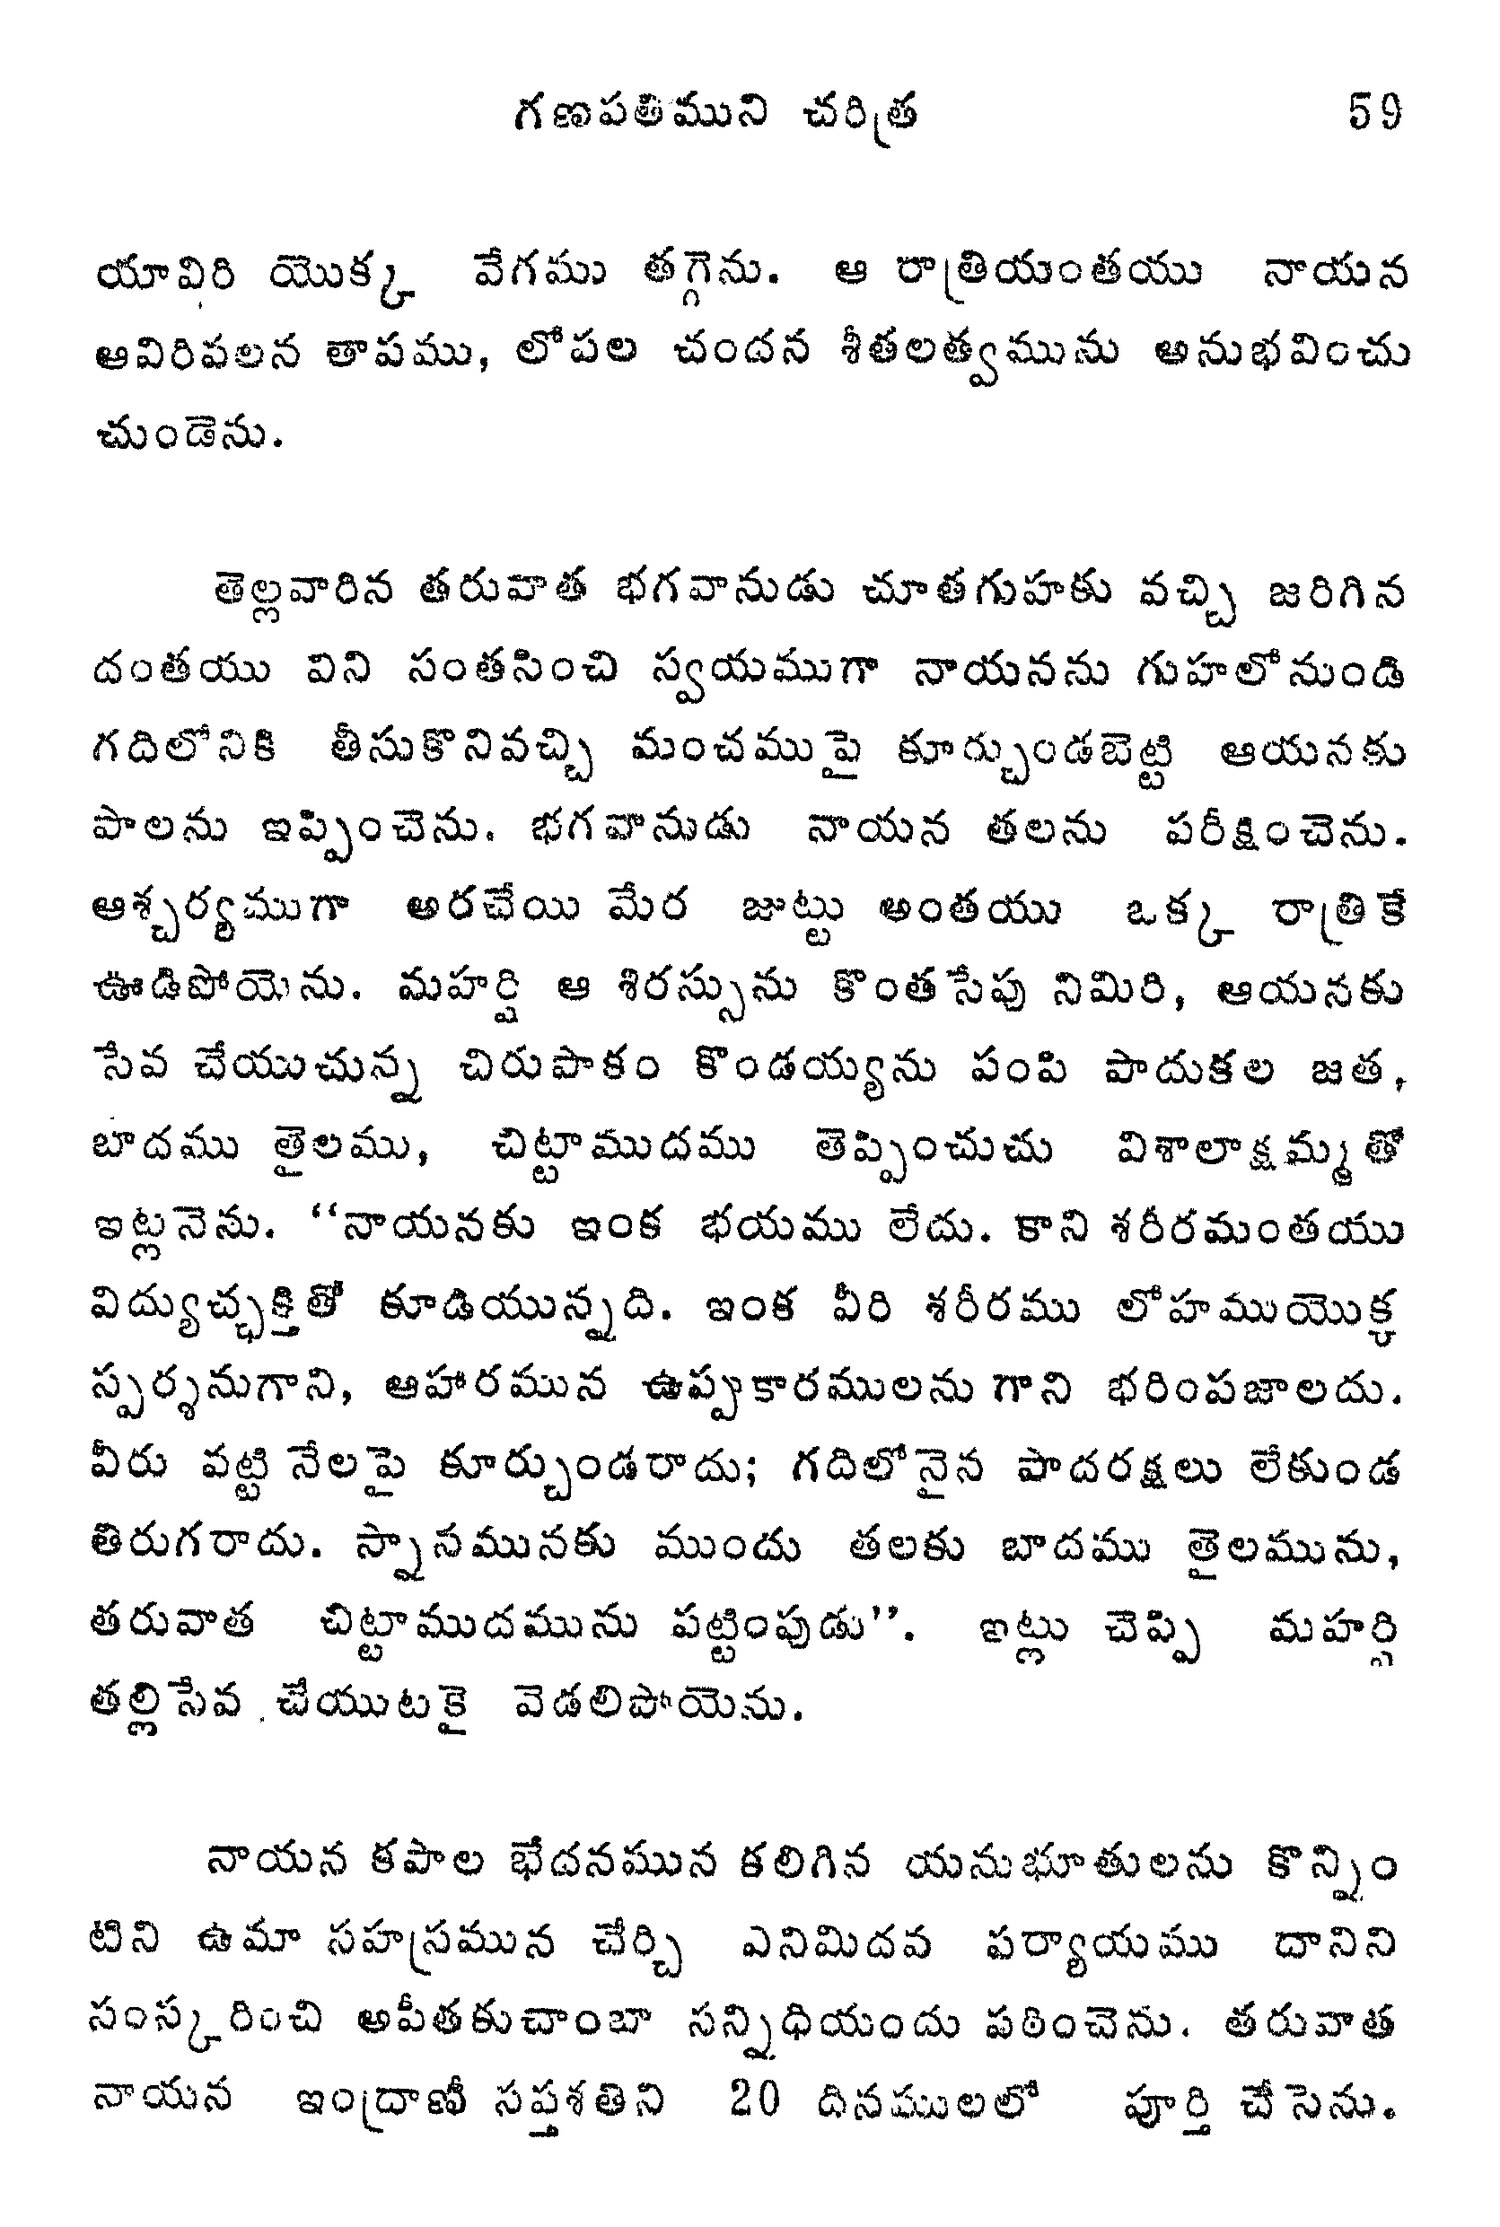యావిరి యొక్క వేగము తగ్గెను. ఆ రాత్రియంతయు నాయన ఆవిరివలన తాపము, లోపల చందన శీతలత్వమును అనుభవించు చుండెను.

తెల్లవారిన తరువాత భగవానుడు చూతగుహకు వచ్చి జరిగిన దంతయు విని సంతసించి స్వయముగా నాయనను గుహలోనుండి గదిలోనికి తీసుకొనివచ్చి మంచముపై కూర్చుండబెట్టి ఆయనకు పాలను ఇప్పించెను. భగవానుడు నాయన తలను పరీక్షించెను. ఆశ్చర్యముగా అరచేయి మేర జుట్టు అంతయు ఒక్క రాత్రికే ఊడిపోయెను. మహర్షి అ శిరస్సును కొంతసేపు నిమిరి, ఆయనకు సేవ చేయుచున్న చిరుపాకం కొండయ్యను పంపి పాదుకల జత, బాదము తైలము, చిట్టాముదము తెప్పించుచు విశాలక్షమ్మతో ఇట్లనెను. "నాయనకు ఇంక భయము లేదు. కాని శరీరమంతయు విద్యుచ్ఛక్తితో కూడియున్నది. ఇంక వీరి శరీరము లోహముయొక్క స్పర్శనుగాని, ఆహారమున ఉప్పుకారములను గాని భరింపజాలదు. వీరు వట్టి నేలపై కూర్చుండరాదు; గదిలోనైన పాదరక్షలు లేకుండ తిరుగరాదు. స్నానమునకు ముందు తలకు బాదము తైలమును, తరువాత చిట్టాముదమును పట్టింపుడు". ఇట్లు చెప్పి మహర్షి తల్లిసేవ చేయుటకై వెడలిపోయెను.

నాయన కపాల భేదనమున కలిగిన యనుభూతులను కొన్నింటిని ఉమా సహస్రమున చేర్చి ఎనిమిదవ పర్యాయము దానిని సంస్కరించి అపీతకుచాంబా సన్నిధియందు పఠించెను. తరువాత నాయన ఇంద్రాణి సప్తశతిని 20 దినములలో పూర్తి చేసెను.